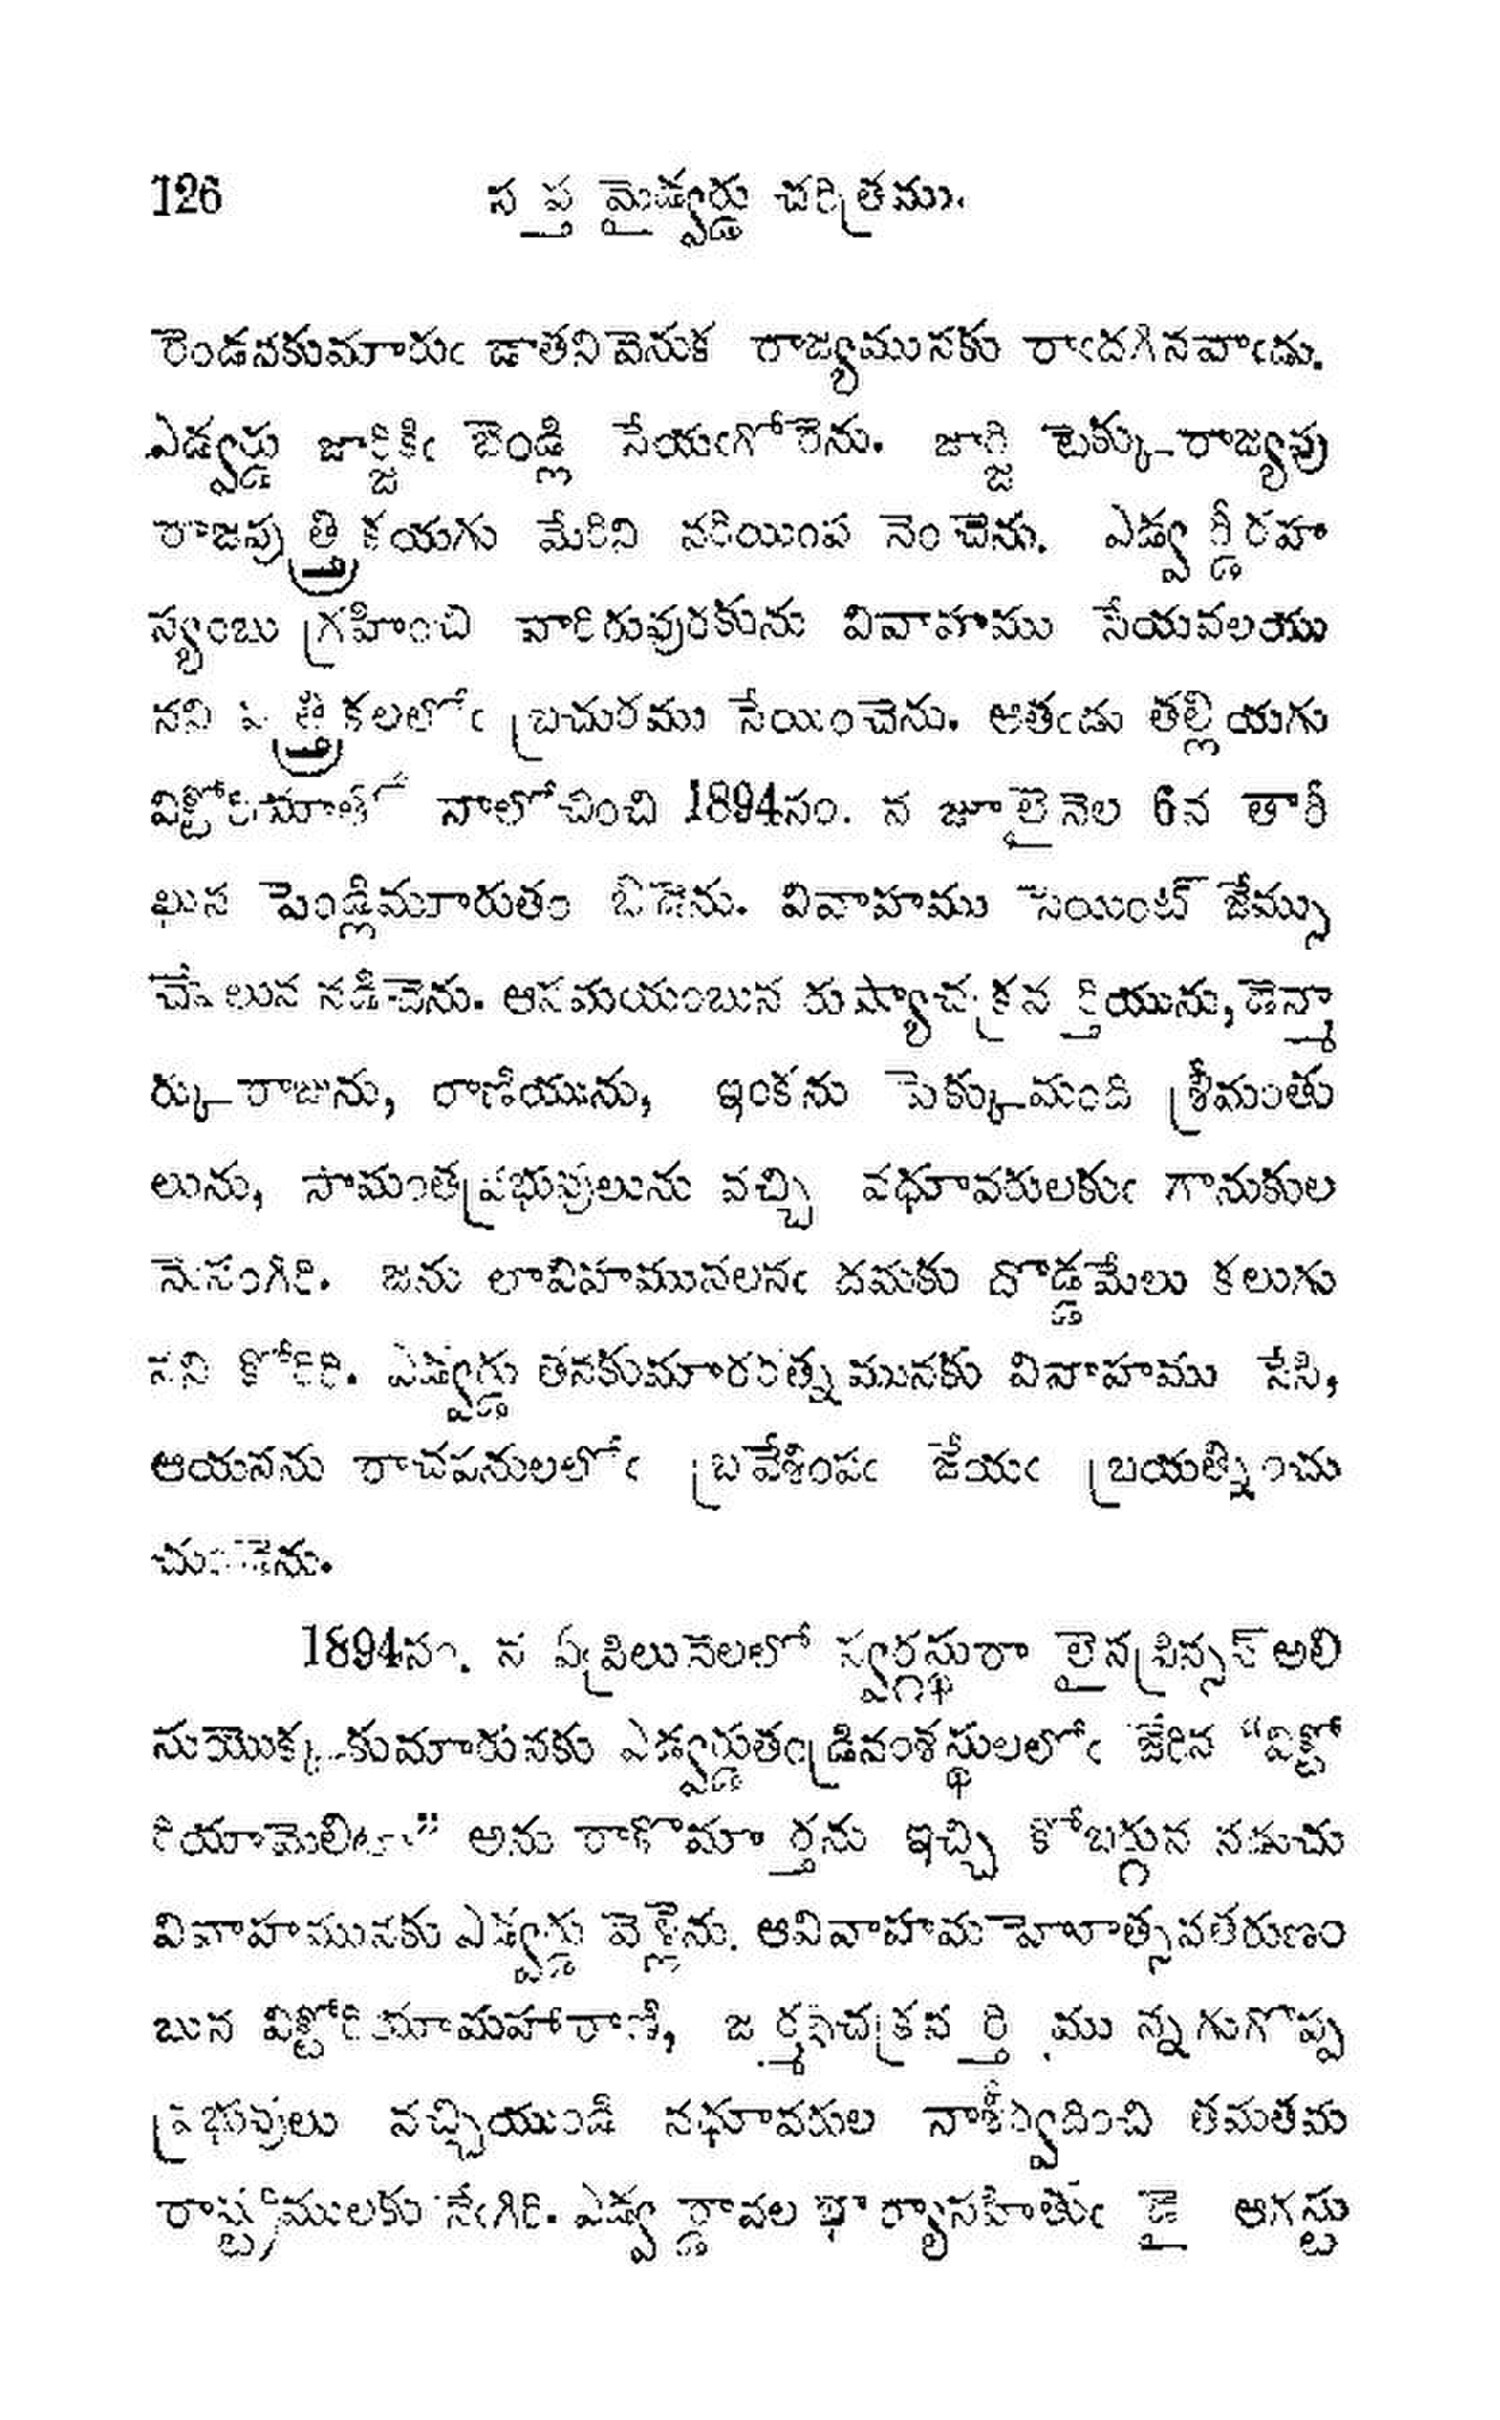రెండవ కుమారుఁ డాతని వెనుక రాజ్యమునకు రాఁదగినవాడు. ఎడ్వర్డు జార్జికిఁ బెండ్లి సేయఁగోరెను. జార్జి చెక్కు రాజ్యపు రాజపుత్రిక యగు మేరిని వరియింప నెంచెను. ఎడ్వర్డీరహ స్యంబు గ్రహించి వారి రువురకును వివాహము సేయవలయు నని పత్రి కలలో బ్రచురము సేయించెను. అతఁడు తల్లి యగు విక్టోయాతో నాలోచించి 1894 సం. న జూలై నెల 6న తారీ ఖున పెండ్లిమూరుతం బిడెను. వివాహము "సెయింట్ జేమ్సు చేపలున నడిచెను. ఆసమయంబున రుష్యాచక్రవర్తియును, డెన్మా ర్కు రాజును, రాణీయును, ఇంకను పెక్కుమంది. శ్రీమంతు లును, సొమంత ప్రభువులును వచ్చి వధూవరులకుఁ గానుకుల నొసంగిరి. జను లావిహమువలనఁ దమకు దొడ్డ మేలు కలుగు సని కోరిరి.. ఎడ్వర్డు తనకుమారురత్నమునకు విసోహము సేసి, ఆయనను రాచపనులలోఁ బ్రవేశంపఁ జేయఁ బ్రయత్నిం చుండెను.

1894 సం . న ఏప్రిలు నెలలో స్వర్గస్టురాలైన ప్రిన్సస్ అలీ సు యొక్క కుమారునకు ఎడ్వర్థుతండ్రి వంశస్థులలోఁ జేరిన “విక్టో యామెలిటా " అను రాకొమార్తను ఇచ్చి కోబర్గున నడుచు వివాహమునకు ఎడ్వర్లు వెళ్లెను. అవివాహమ సూత్సవ తరుణం బున విక్టోరియా మహారాణి, జర్మనీ చక్రవర్తి మున్నగు గొప్ప ప్రభువులు వచ్చియుండిరి. వధూవరుల నాశీర్వ దించి తమతమ రాష్ట్రములకు నేగిరి. ఎడ్వర్ణావల భార్యాసహితుడై. ఆగస్టు